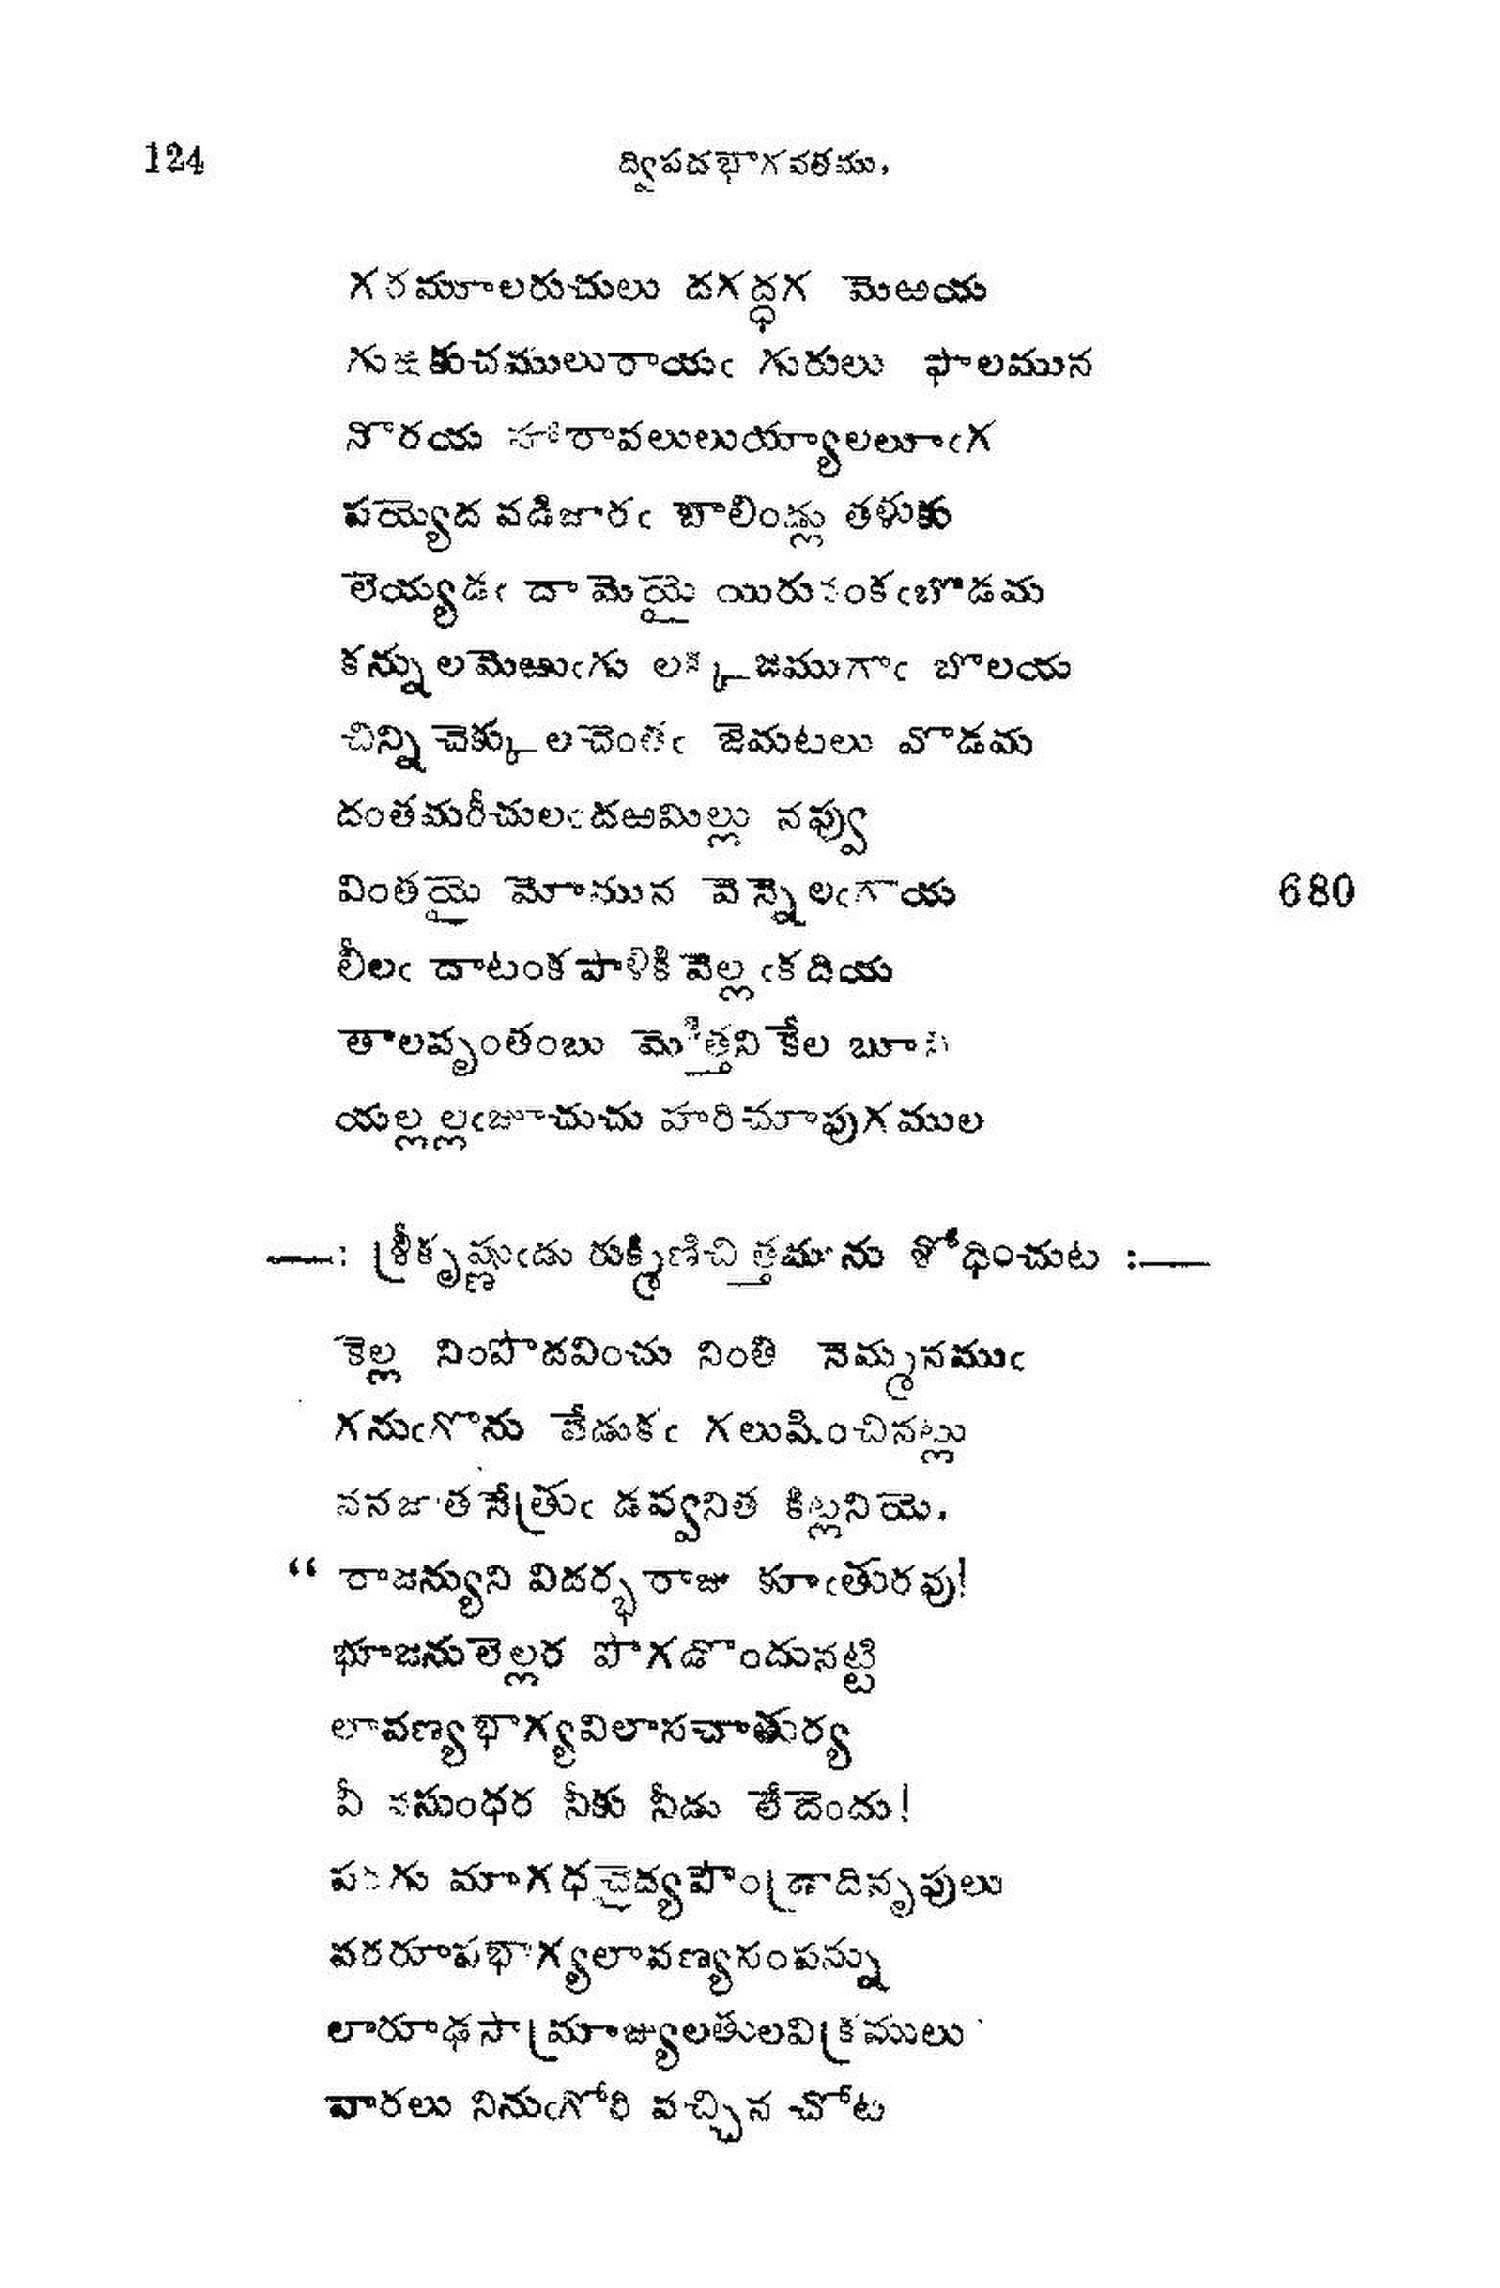గరమూలరుచులు దగద్ధగ మెఱయ
గుఱకుచములురాయఁ గురులు ఫాలమున
నొరయ హారావలులుయ్యాలలూఁగ
పయ్యెద వడిజారఁ బాలిండ్లు తళుకు
లెయ్యడఁదామెయై యిరువంకఁ బొడమ
కన్నులమెఱుఁగు లక్కజముగాఁ బొలయ
చిన్ని చెక్కులచెంతఁ జెమటలు వొడమ
దంతమరీచులందఱమిల్లు నవ్వు
వింతయై మోమున వెన్నెలఁగాయ 
లీలఁ దాటంకపాళికి వెల్లఁకదియ
తాలవృంతంబు మెత్తని కేల బూని
యల్లల్లఁజూచుచు హరిచూపుగముల

కెల్ల నింపొదవించు నింతి నెమ్మనముఁ
గనుఁగొను వేడుకఁ గలుషించినట్లు
వనజాతనేత్రుఁ డవ్వనిత కిట్లనియె. 
“రాజన్యుని విదర్భరాజు కూఁతురవు! 
భూజనులెల్లర పొగడొందునట్టి
లావణ్యభాగ్యవిలాసచాతుర్య
వీ వసుంధర నీకు నీడు లేదెందు! 
పరగు మాగధచైద్యపౌండ్రాది నృపులు
వర రూప భాగ్య లావణ్య సంపన్ను
లారూఢ సామ్రాజ్యులతులవిక్రములు
వారలు నినుఁగోరి వచ్చిన చోట